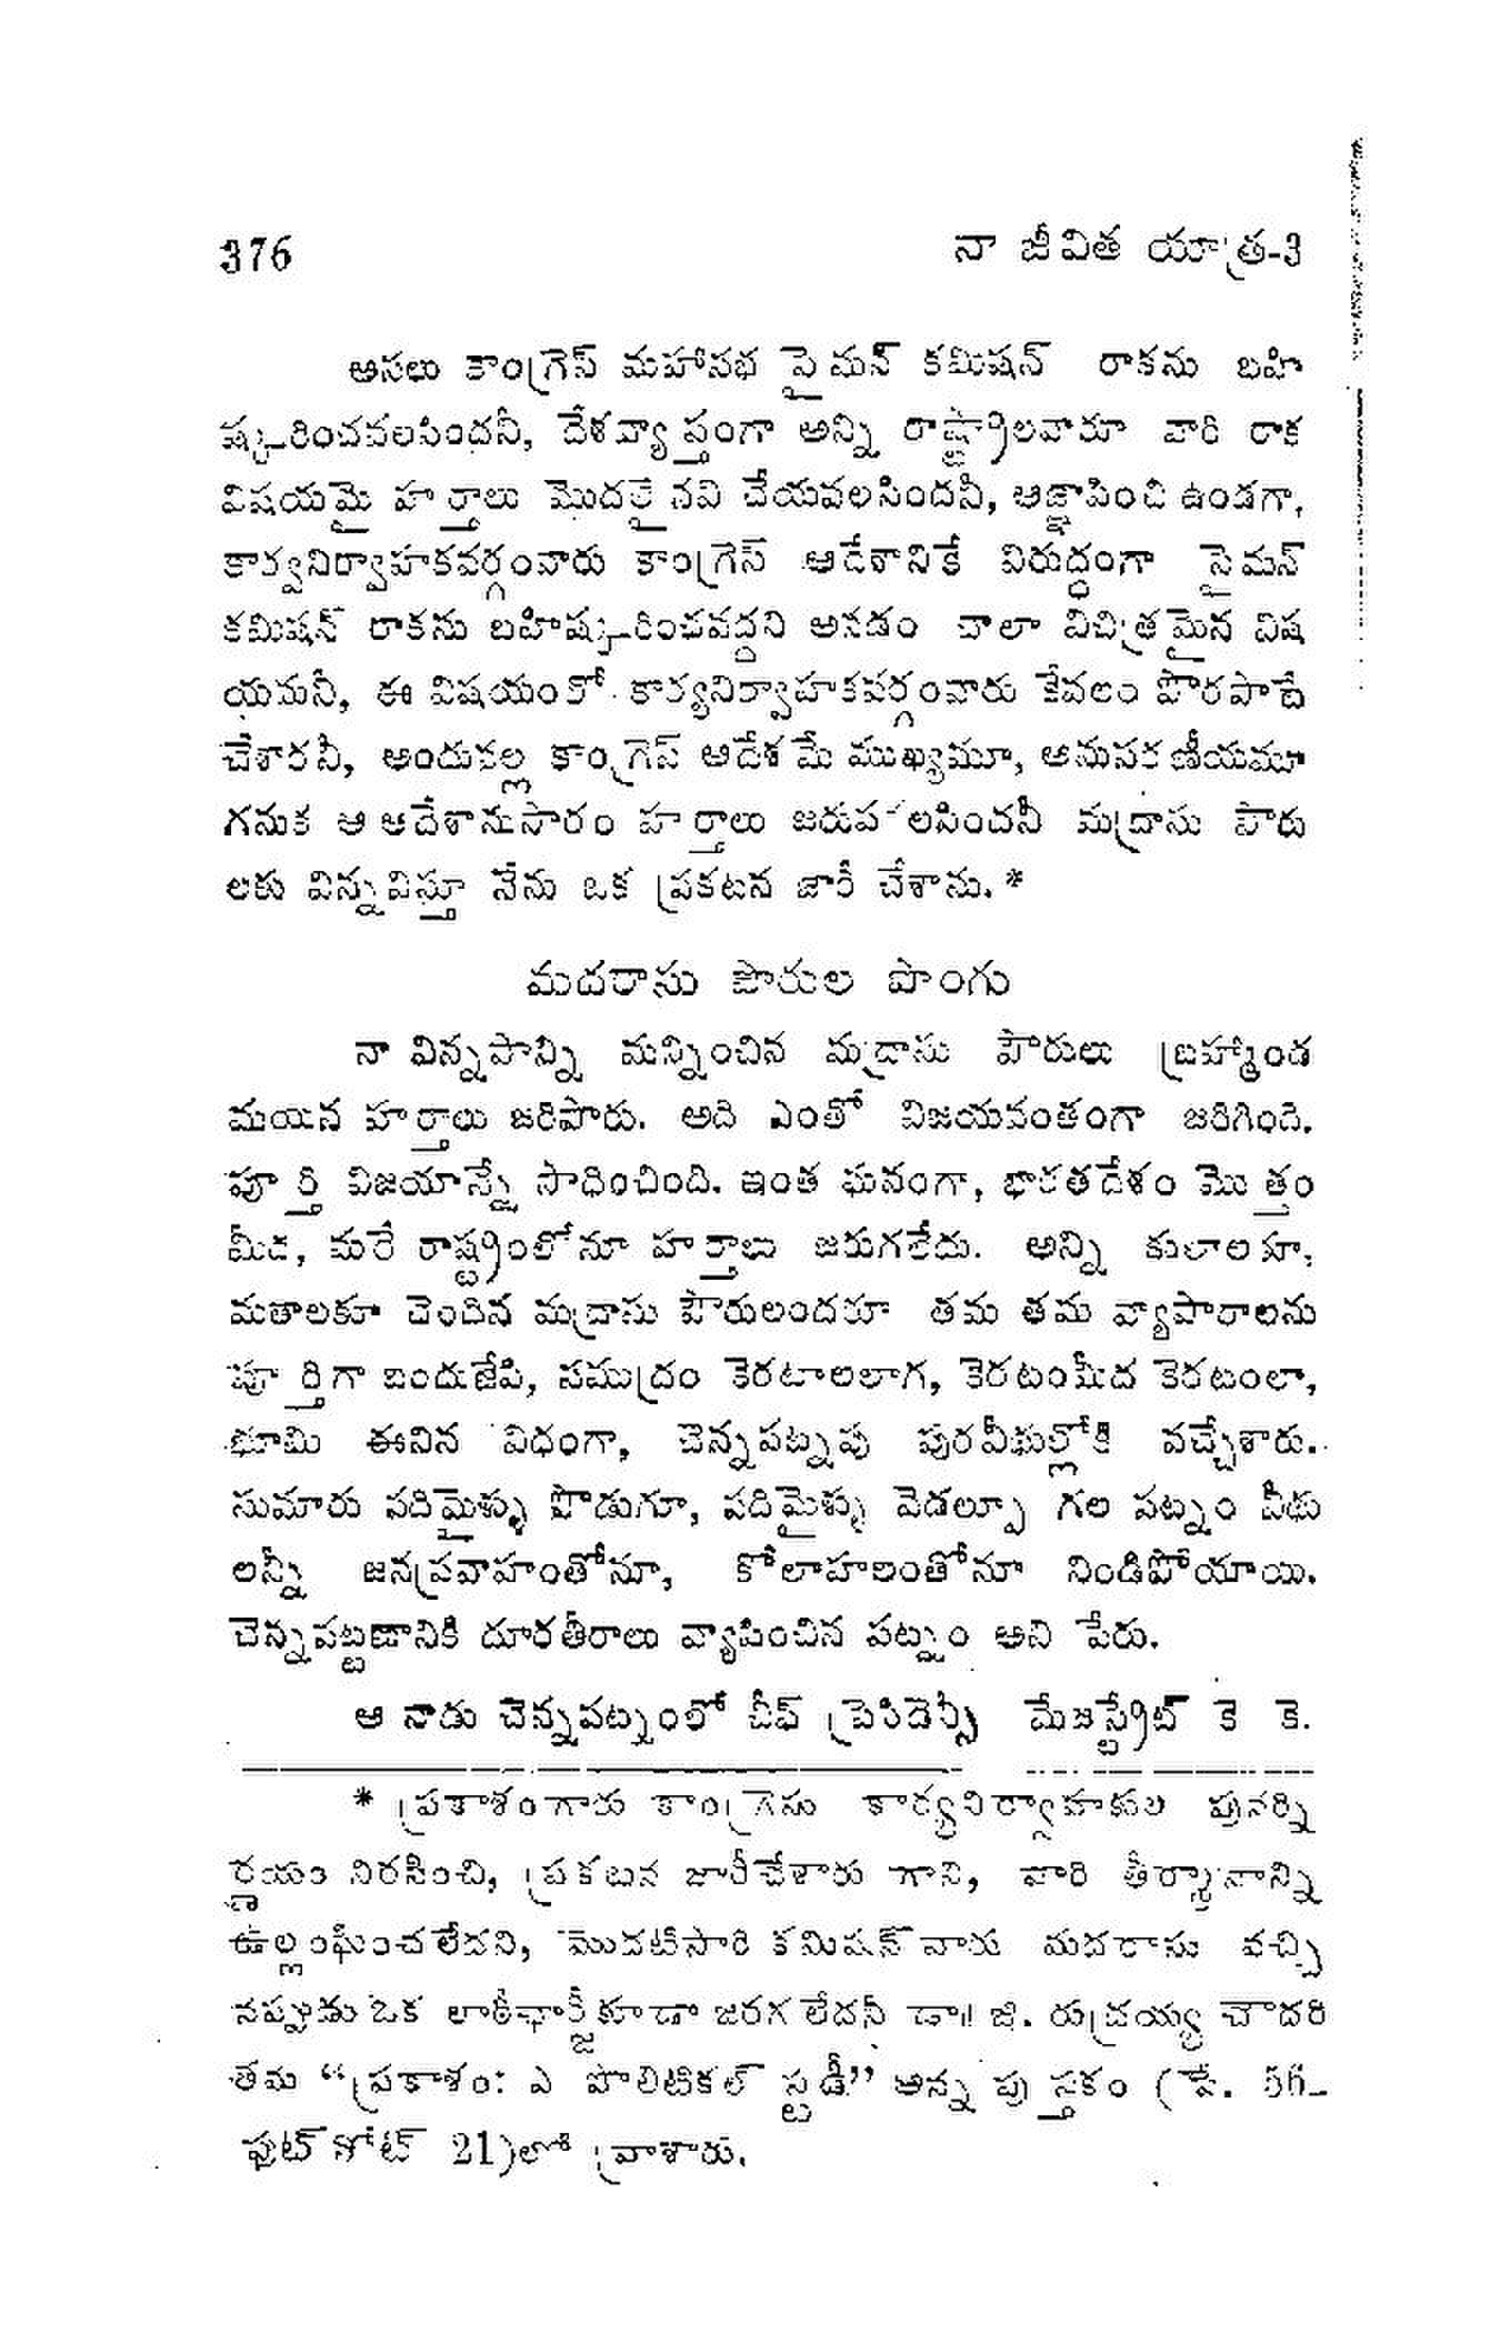అసలు కాంగ్రెస్ మహాసభ సైమన్ కమిషన్ రాకను బహిష్కరించవలసిందనీ, దేశవ్యాప్తంగా అన్ని రాష్ట్రాలవారూ వారి రాక విషయమై హర్తాలు మొదలైనవి చేయవలసిందనీ, ఆజ్ఞాపించి ఉండగా, కార్యనిర్వాహకవర్గంవారు కాంగ్రెస్ ఆదేశానికే విరుద్ధంగా సైమన్ కమిషన్ రాకను బహిష్కరించవద్దని అనడం చాలా విచిత్రమైన విషయమనీ, ఈ విషయంలో కార్యనిర్వాహకవర్గంవారు కేవలం పొరపాటే చేశారనీ, అందువల్ల కాంగ్రెస్ ఆదేశమే ముఖ్యమూ, అనుసరణీయమూ గనుక ఆ ఆదేశానుసారం హర్తాలు జరుప వలసిందనీ మద్రాసు పౌరులకు విన్నవిస్తూ నేను ఒక ప్రకటన జారీ చేశాను. 

నా విన్నపాన్ని మన్నించిన మద్రాసు పౌరులు బ్రహ్మాండమయిన హర్తాలు జరిపారు. అది ఎంతో విజయవంతంగా జరిగింది. పూర్తి విజయాన్నే సాధించింది. ఇంత ఘనంగా, భారతదేశం మొత్తం మీద, మరే రాష్ట్రంలోనూ హర్తాలు జరుగలేదు. అన్ని కులాలకూ మతాలకూ చెందిన మద్రాసు పౌరులందరూ తమ తమ వ్యాపారాలను పూర్తిగా బందుచేసి, సముద్రం కెరటాలలాగ, కెరటంమీద కెరటంలా, భూమి ఈనిన విధంగా, చెన్నపట్నపు పురవీథుల్లోకి వచ్చేశారు. సుమారు పదిమైళ్ళు పొడుగూ, పదిమైళ్ళు వెడల్పూ గల పట్నం వీథులన్నీ జనప్రవాహంతోనూ, కోలాహలంతోనూ నిండి పోయాయి. చెన్నపట్టణానికి దూరతీరాలు వ్యాపించిన పట్నం అని పేరు.

ఆ నాడు చెన్నపట్నంలో చీఫ్ ప్రెసిడెన్సీ మేజస్ట్రేట్ కె. కె.